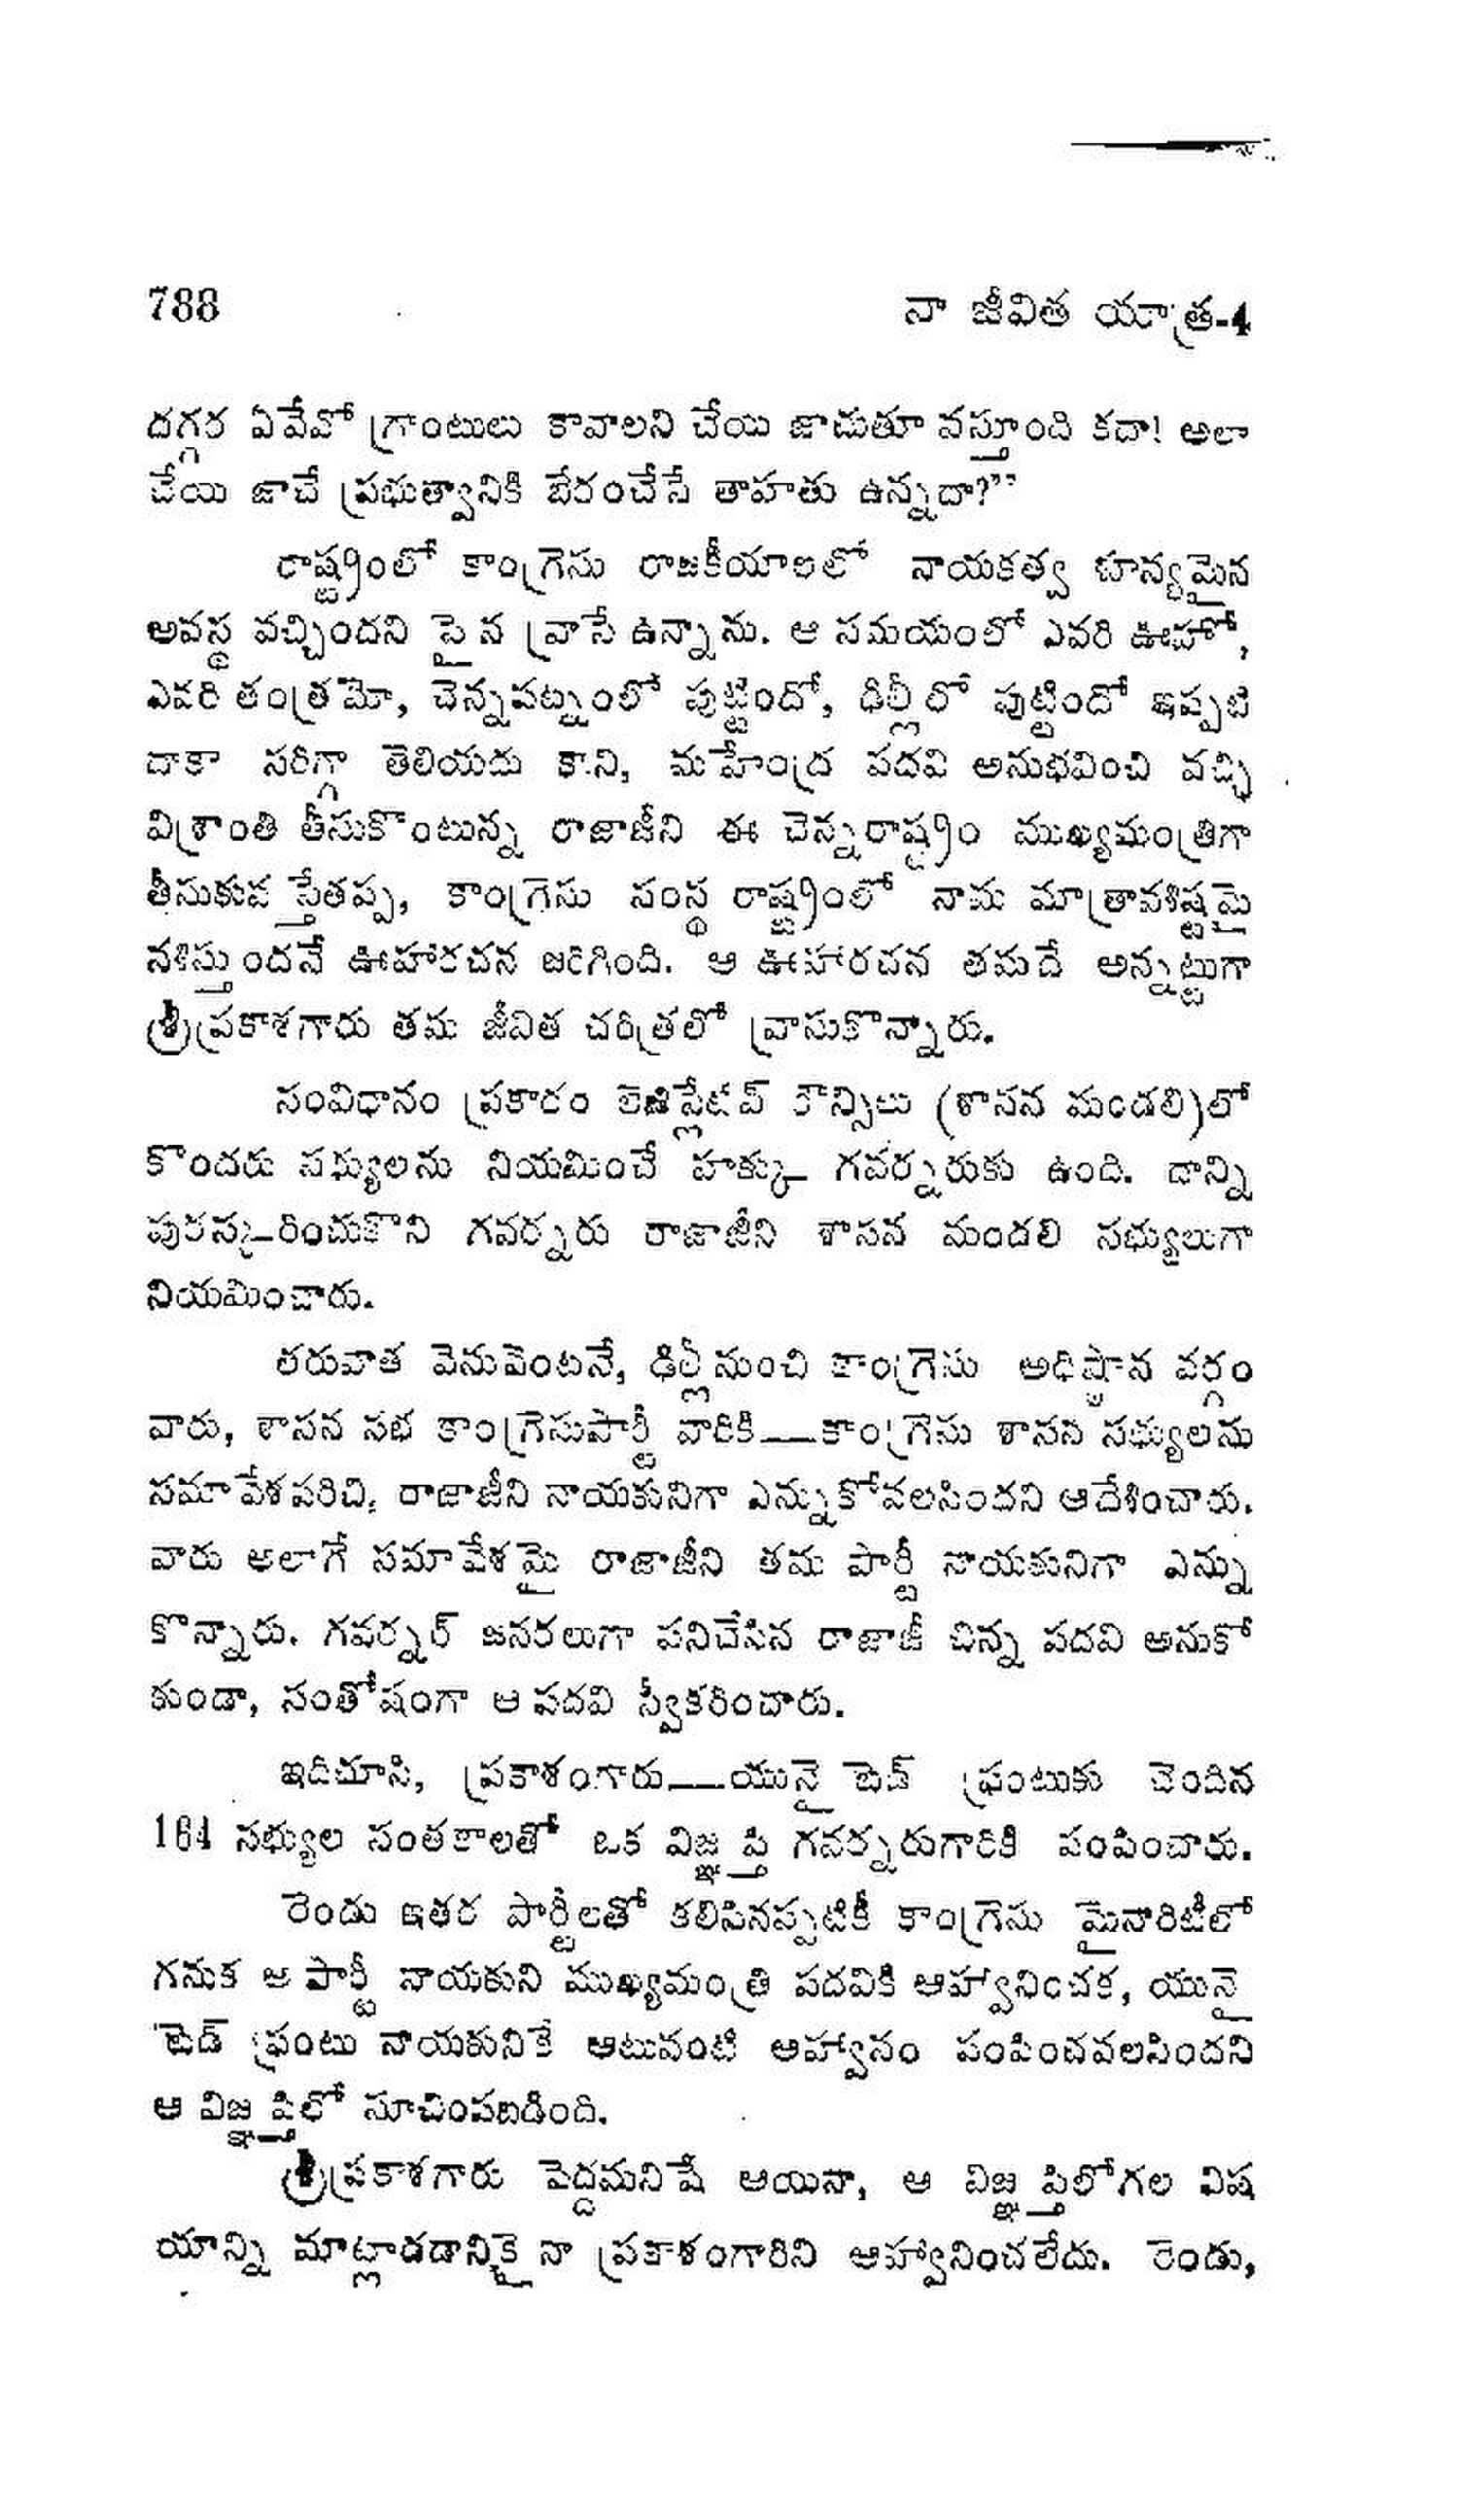దగ్గర ఏవేవో గ్రాంటులు కావాలని చేయి జాచుతూ వస్తూంది కదా! అలా చేయి జాచే ప్రభుత్వానికి బేరంచేసే తాహతు ఉన్నదా?"

రాష్ట్రంలో కాంగ్రెసు రాజకీయాలలో నాయకత్వ శూన్యమైన అవస్థ వచ్చిందని పైన వ్రాసే ఉన్నాను. ఆ సమయంలో ఎవరి ఊహో, ఎవరి తంత్రమో, చెన్నపట్నంలో పుట్టిందో, ఢిల్లీలో పుట్టిందో ఇప్పటి దాకా సరిగ్గా తెలియదు కాని, మహేంద్ర పదవి అనుభవించి వచ్చి విశ్రాంతి తీసుకొంటున్న రాజాజీని ఈ చెన్నరాష్ట్ర ముఖ్యమంత్రిగా తీసుకువస్తేతప్ప, కాంగ్రెసు సంస్థ రాష్ట్రంలో నామ మాత్రావశిష్టమై నశిస్తుందనీ ఊహారచన జరిగింది. ఆ ఊహారచన తమదే అన్నట్టుగా శ్రీప్రకాశగారు తమ జీవిత చరిత్రలో వ్రాసుకొన్నారు.

సంవిధానం ప్రకారం లెజిస్లేటివ్ కౌన్సిలు (శాసన మండలి)లో కొందరు సభ్యులను నియమించే హక్కు గవర్నరుకు ఉంది. దాన్ని పురస్కరించుకొని గవర్నరు రాజాజీని శాసన మండలి సభ్యులుగా నియమించారు.

తరువాత వెనువెంటనే, డిల్లీనుంచి కాంగ్రెసు అధిష్ఠాన వర్గంవారు, శాసన సభ కాంగ్రెసుపార్టీ వారికి - కాంగ్రెసు శాసన సభ్యులను సమావేశపరిచి, రాజాజీని నాయకునిగా ఎన్నుకోవలసిందని ఆదేశించారు. వారు అలాగే సమావేశమై రాజాజీని తమ పార్టీనాయకునిగా ఎన్నుకొన్నారు. గవర్నర్ జనరలుగా పనిచేసిన రాజాజీ చిన్న పదవి అనుకోకుండా, సంతోషంగా ఆ పదవి స్వీకరించారు.

ఇదిచూసి, ప్రకాశంగారు - యునైటెడ్ ఫ్రంటుకు చెందిన 164 సభ్యుల సంతకాలతో ఒక విజ్ఞప్తి గవర్నరుగారికి పంపించారు.

రెండు ఇతర పార్టీలతో కలిసినప్పటికీ కాంగ్రెసు మైనారిటీలో గనుక ఆపార్టీ నాయకుని ముఖ్యమంత్రి పదవికి ఆహ్వనించక, యునైటెడ్ ఫ్రంటు నాయకునికే అటువంటి ఆహ్వానం పంపించవలసిందని ఆ విజ్ఞప్తిలో సూచింపబడింది.

శ్రీప్రకాశగారు పెద్దమనిషే అయినా, ఆ విజ్ఞప్తిలోగల విషయాన్ని మాట్లాడడానికైనా ప్రకాశంగారిని ఆహ్వానించలేదు. రెండు,